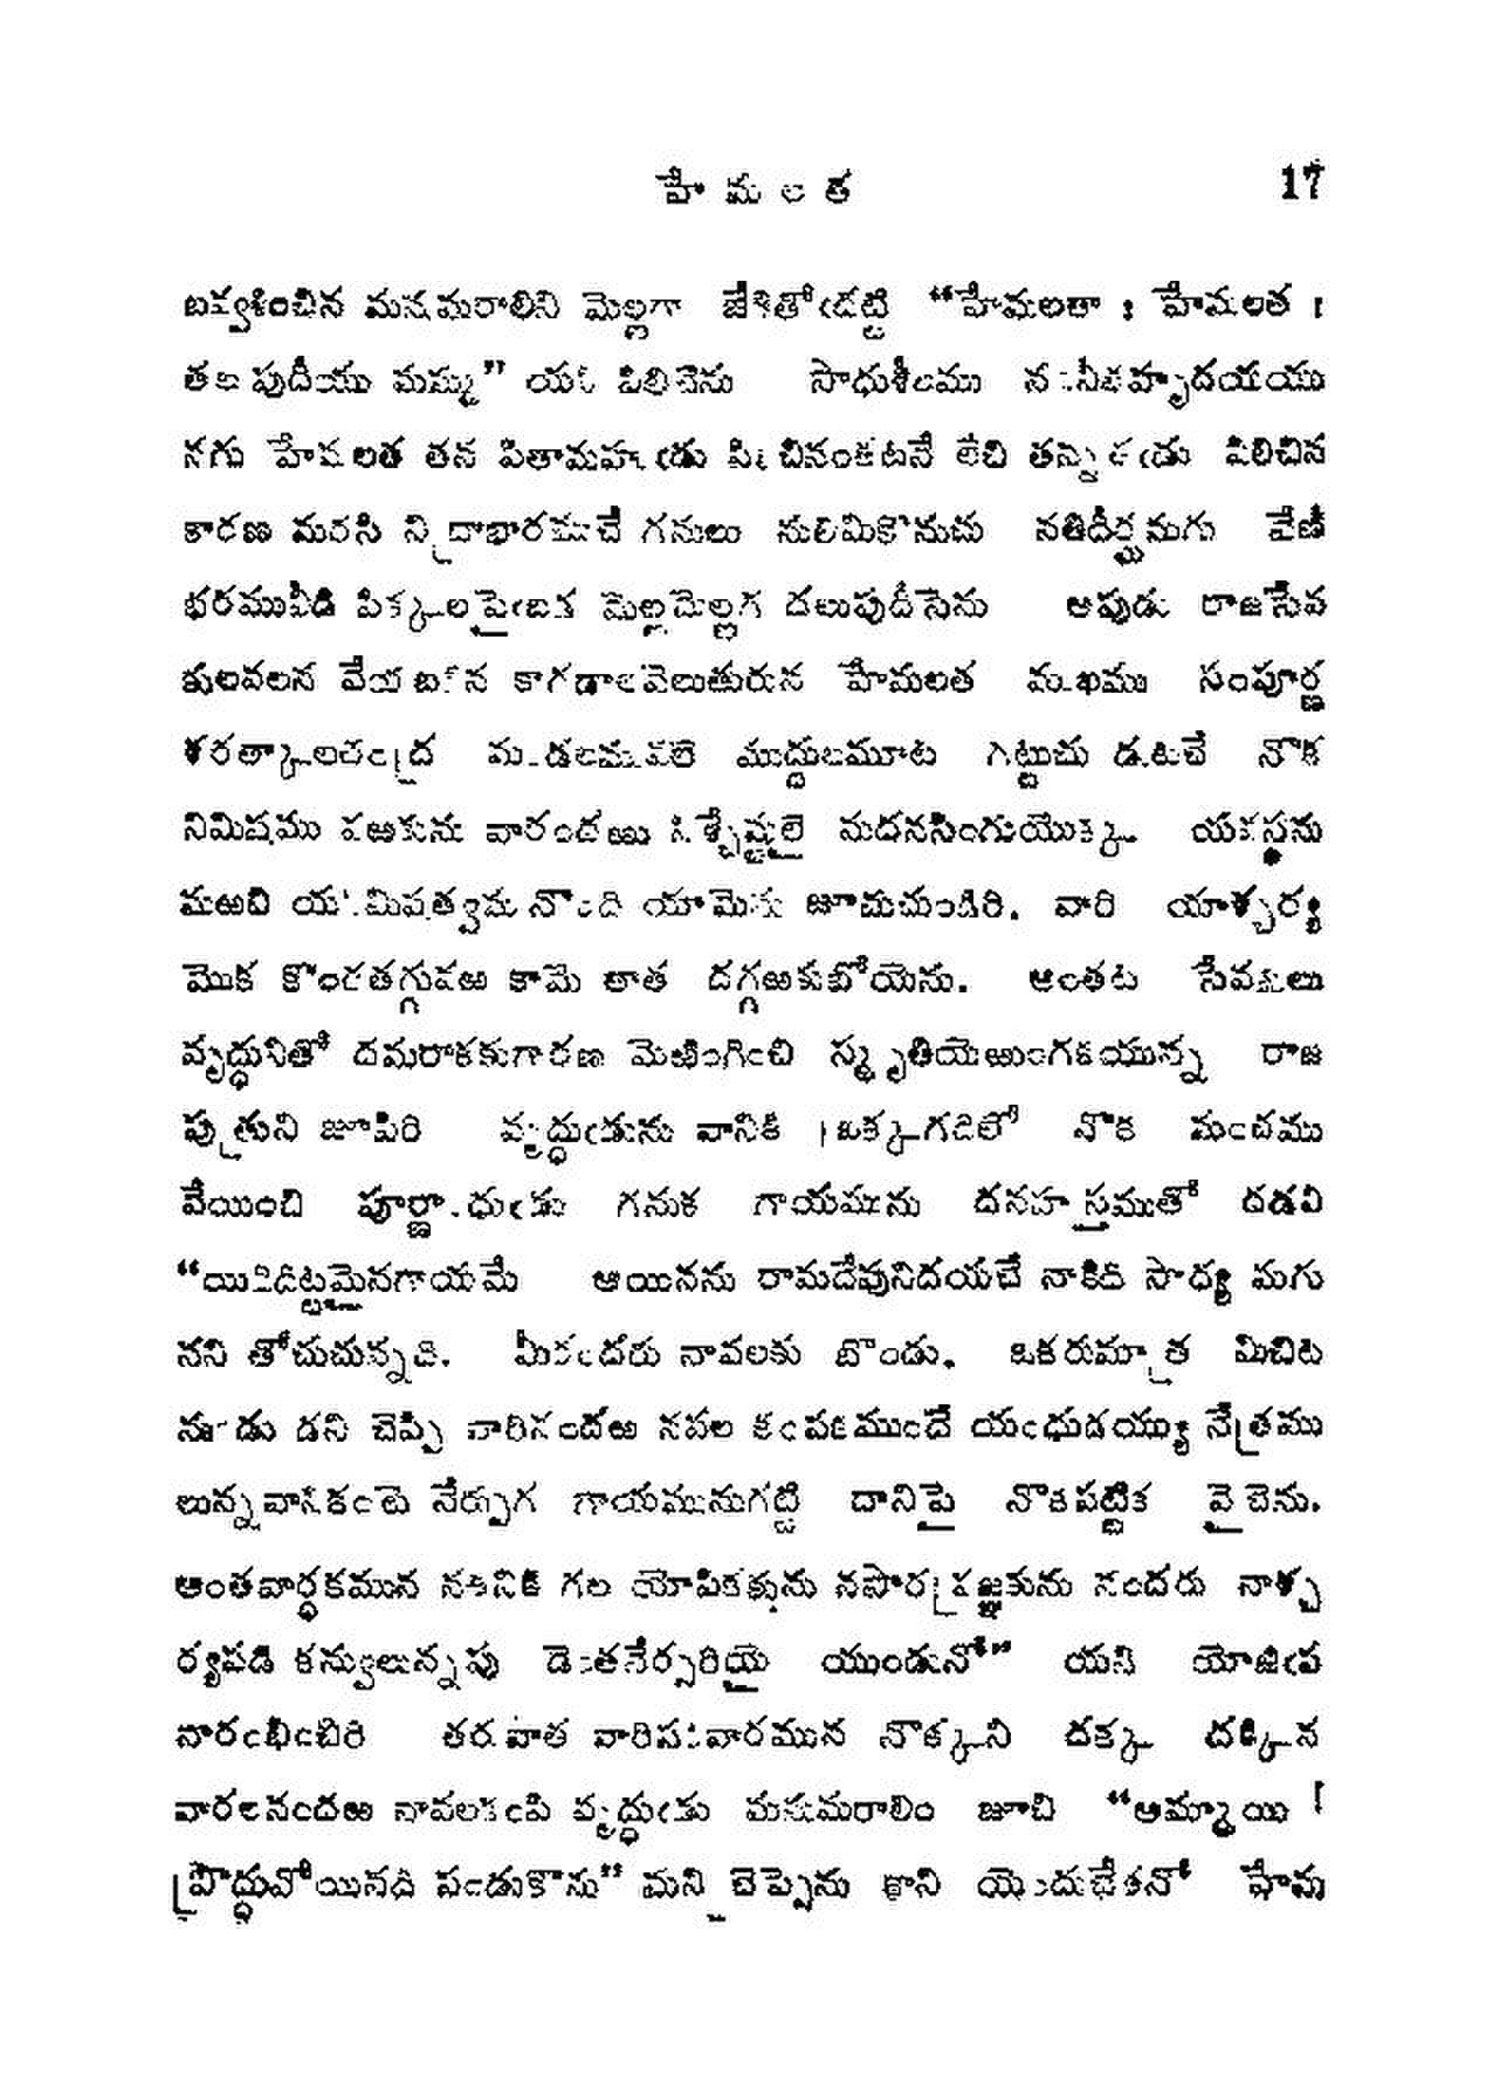బవ్వళించిన మనమరాలిని మెల్లగా జేతితోఁదట్టి “హేమలతా! హేమలత! తలుపుదీయు మమ్మ” యని పిలిచెను. సాధుశీలము నవనీతహృదయయు నగు హేమలత తన పితామహుఁడు పిలిచినంతటనే లేచి తన్నతఁడు పిలిచిన కారణ మరసి నిద్రాభారముచే గనులు నులిమికొనుచు నతిదీర్ఘమగు వేణి భరమువీడి పిక్కలపైఁబడ మెల్లమెల్లగ దలుపుదీసెను. అపుడు రాజసేవకులవలన వేయబడిన కాగడాల వెలుతురున హేమలత ముఖము సంపూర్ణ శరత్కాలచంద్ర మండలమువలె ముద్దులమూట గట్టుచుండుటచే నొక నిమిషము వఱకును వారందఱు నిశ్చేష్టులై మదనసింగు యొక్క యవస్థను మఱచి యనిమిషత్వము నొంది యామెను జూచుచుండిరి.

వారి యాశ్చర్యమొక కొంత తగ్గువఱ కామె తాత దగ్గఱకుబోయెను. అంతట సేవకులు వృద్ధునితో దమరాకకుగారణ మెఱింగిఁచి స్మృతియెఱుంగక యున్న రాజపుత్రుని జూపిరి. వృద్ధుఁడును వానికి బ్రక్క గదిలో నొక మంచము వేయించి పూర్ణాంధుఁడు గనుక గాయమును దనహస్తముతో దడవి “యిది దిట్టమైన
గాయమే అయినను రామదేవునిదయచే నాకిది సాధ్య మగు నని తోచుచున్నది. మీరందరు నావలకు బొండు, ఒకరుమాత్ర మిచట నుండుడని చెప్పి వారినందఱ నవల కంపకముందే యంధుడయ్యు నేత్రము లున్న వానికంటె నేర్పుగ గాయమునుగట్టి దానిపై నొకపట్టిక వైచెను. అంతవార్ధకమున నతనికి గల యోపికకును నపారప్రజ్ఞకును నందరు నాశ్చర్యపడి కన్వులున్నపు డెంతనేర్పరియై యుండునో” యని యోజింప నారంభించిరి. తరవాత వారిపరివారమున నొక్కని దక్క దక్కిన వారలనందఱ నావలకంపి వృద్ధుఁడు మనుమరాలిం జూచి “అమ్మాయి, ప్రొద్దుపోయినది పండుకొను” మని చెప్పెను. కాని యెందుచేతనో హేమ